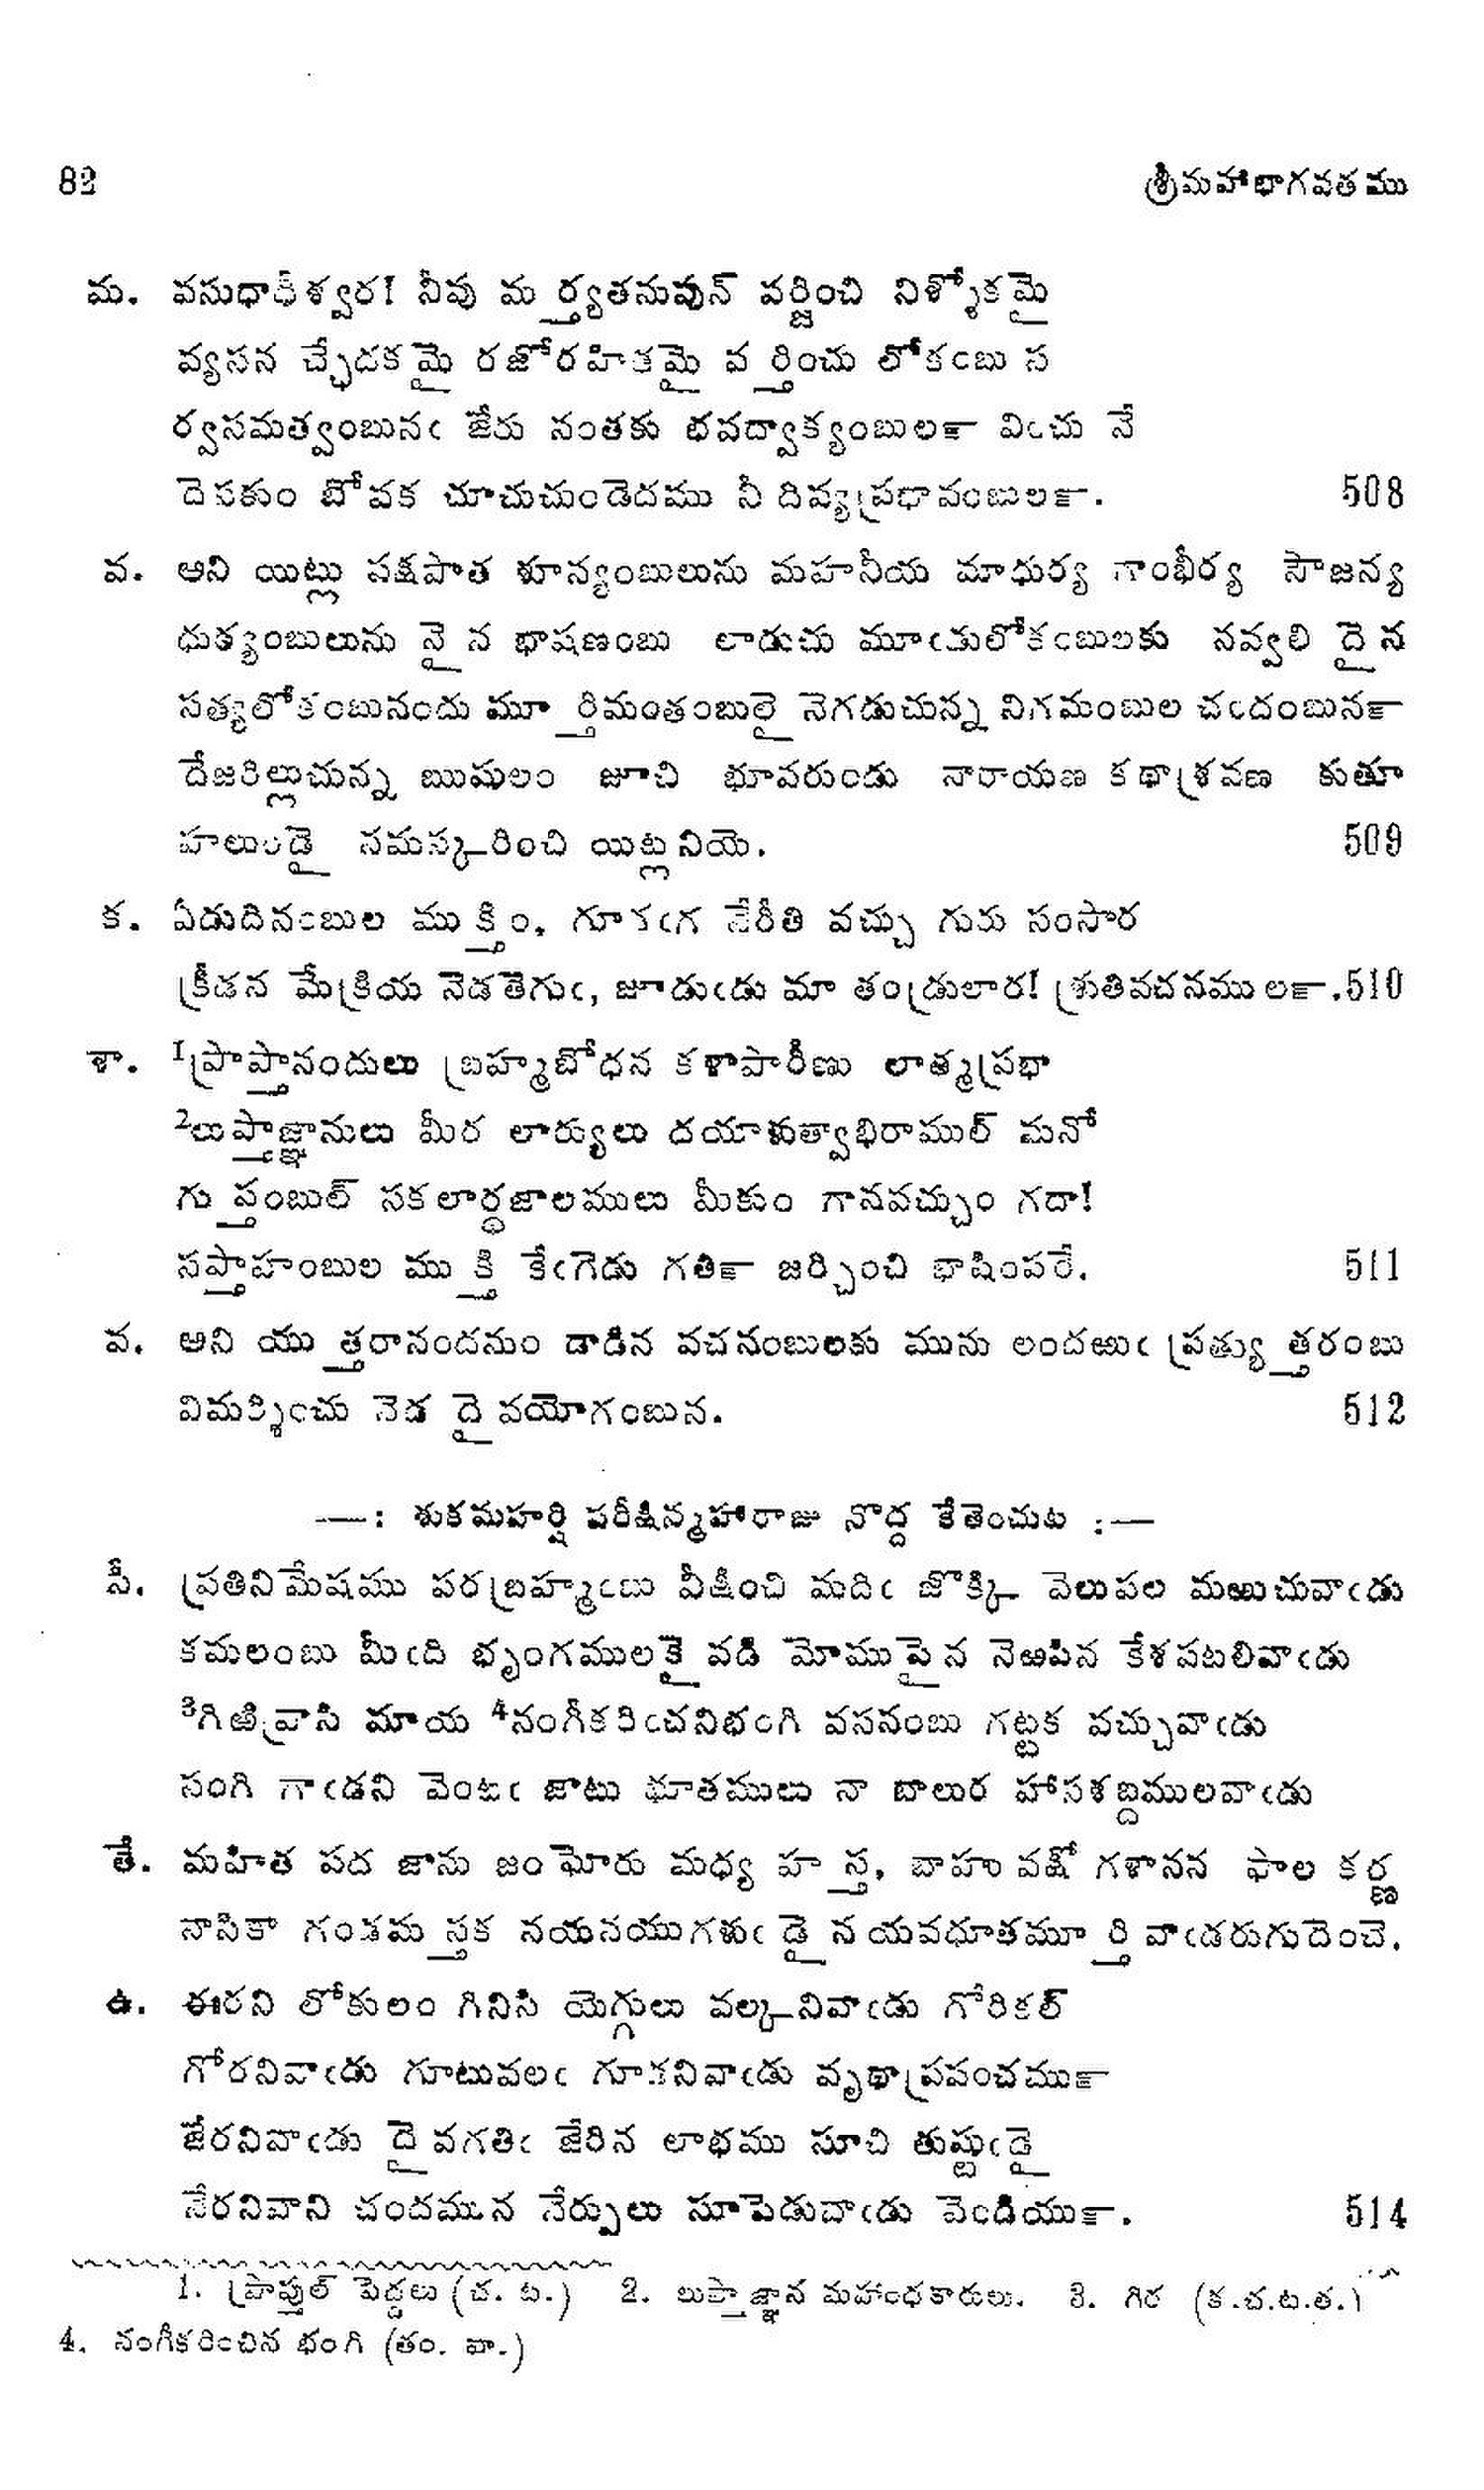82

మ. వసుధాధీశ్వర ! నీవు మర్త్యతనువున్ వెర్జించి నిశ్శోకమై

వ్యసన చ్ఛేదకమై రజోరహితమై వర్తించు లోకంబు స

ర్వసమత్వంబునఁ జేరు నంతకు భవద్వాక్యంబులన్ వించు నే

దెసకుం బోవక చూచుచుండెదము నీ దివ్యప్రభావంబులన్. (509)

వ. అని యిట్లు పక్షపాత శూన్యంబులును మహనీయ మాధుర్య గాంభీర్య సౌజన్య ధుర్యంబులును నైన భాషణంబు లాడుచు మూఁడులోకంబులకు నవ్వలి దైన సత్యలోకంబునందు మూర్తిమంతంబులై నెగడుచున్న నిగమంబుల చందంబునన్ దేజరిల్లుచున్న ఋషులం జూచి భూవరుండు నారాయణ కథాశ్రవణ కుతూహలుండై నమస్కరించి యిట్లనియె . (510)

క. ఏడుదినంబుల ముక్తిం, గూడఁగ నేరీతి వచ్చు గురు సంసార

క్రీడన మేక్రియ నెడతెగుఁ జూడుఁడు మా తండ్రులార ! శ్రుతివచనములన్. (511)

శా. ప్రాప్తానందులు బ్రహ్మబోభన కళాపారీణు లాత్మప్రభా

లిప్తాజ్ఞానులు మీరు లార్యులు దయాశుత్వాభిరాముల్ మనో 

గుప్తంబుల్ సకలార్థజాలములు మీకుం గానవచ్చుం గదా !

సప్తాహంబుల ముక్తి కేఁగెడు గతిన్ జర్చించి భాషింపరే. (512)

వ. అని యుత్తరానందనుం డాడిన వచనంబులకు మును లందఱుఁ ప్రత్యుత్తరంబు విమర్శించు నెడ దైవయోగంబున. (513)

సీ. ప్రతినిమేషము పరబ్రహ్మంబు వీక్షించి మదిఁ జుక్క వెలుపల మఱుచువాఁడు

కమలంబుమీఁది భృంగములకైవడి మోముపైన నెఱపిన కేశపటలివాఁడు

గిఱివ్రాసి మాయ నంగీకరించనిభంగి వసనంబు గట్టక వచ్చువాఁడు

సంగిగాఁడని వెంటఁ జాటు భూతములు నా బాలుర హాసశబ్దములవాఁడు

తే. మహిత పద జాన జంఘోరు మధ్య హస్త, బాహు వక్షో హళానన ఫాల కర్ణ

నాసిగా గండమస్తక నయనయుగళుఁడైన యవధూతమూర్తి వాఁడరుగుదెంచె. ( 514)

ఉ. ఈరసలోకులం గినిసి యెగ్గులు వల్కనివాఁడు గోరికల్

గోరనివాఁడు గూటువలఁ గూడనివాఁడు వృథాప్రపంచమున్ 

జేఱనివాఁడు దైవగతఁ జేరిన లాభము సూచి తుష్టుఁడై

నేఱనివాని చందమున నేర్పులు సూపెడువాఁడు వెండియున్. (515)